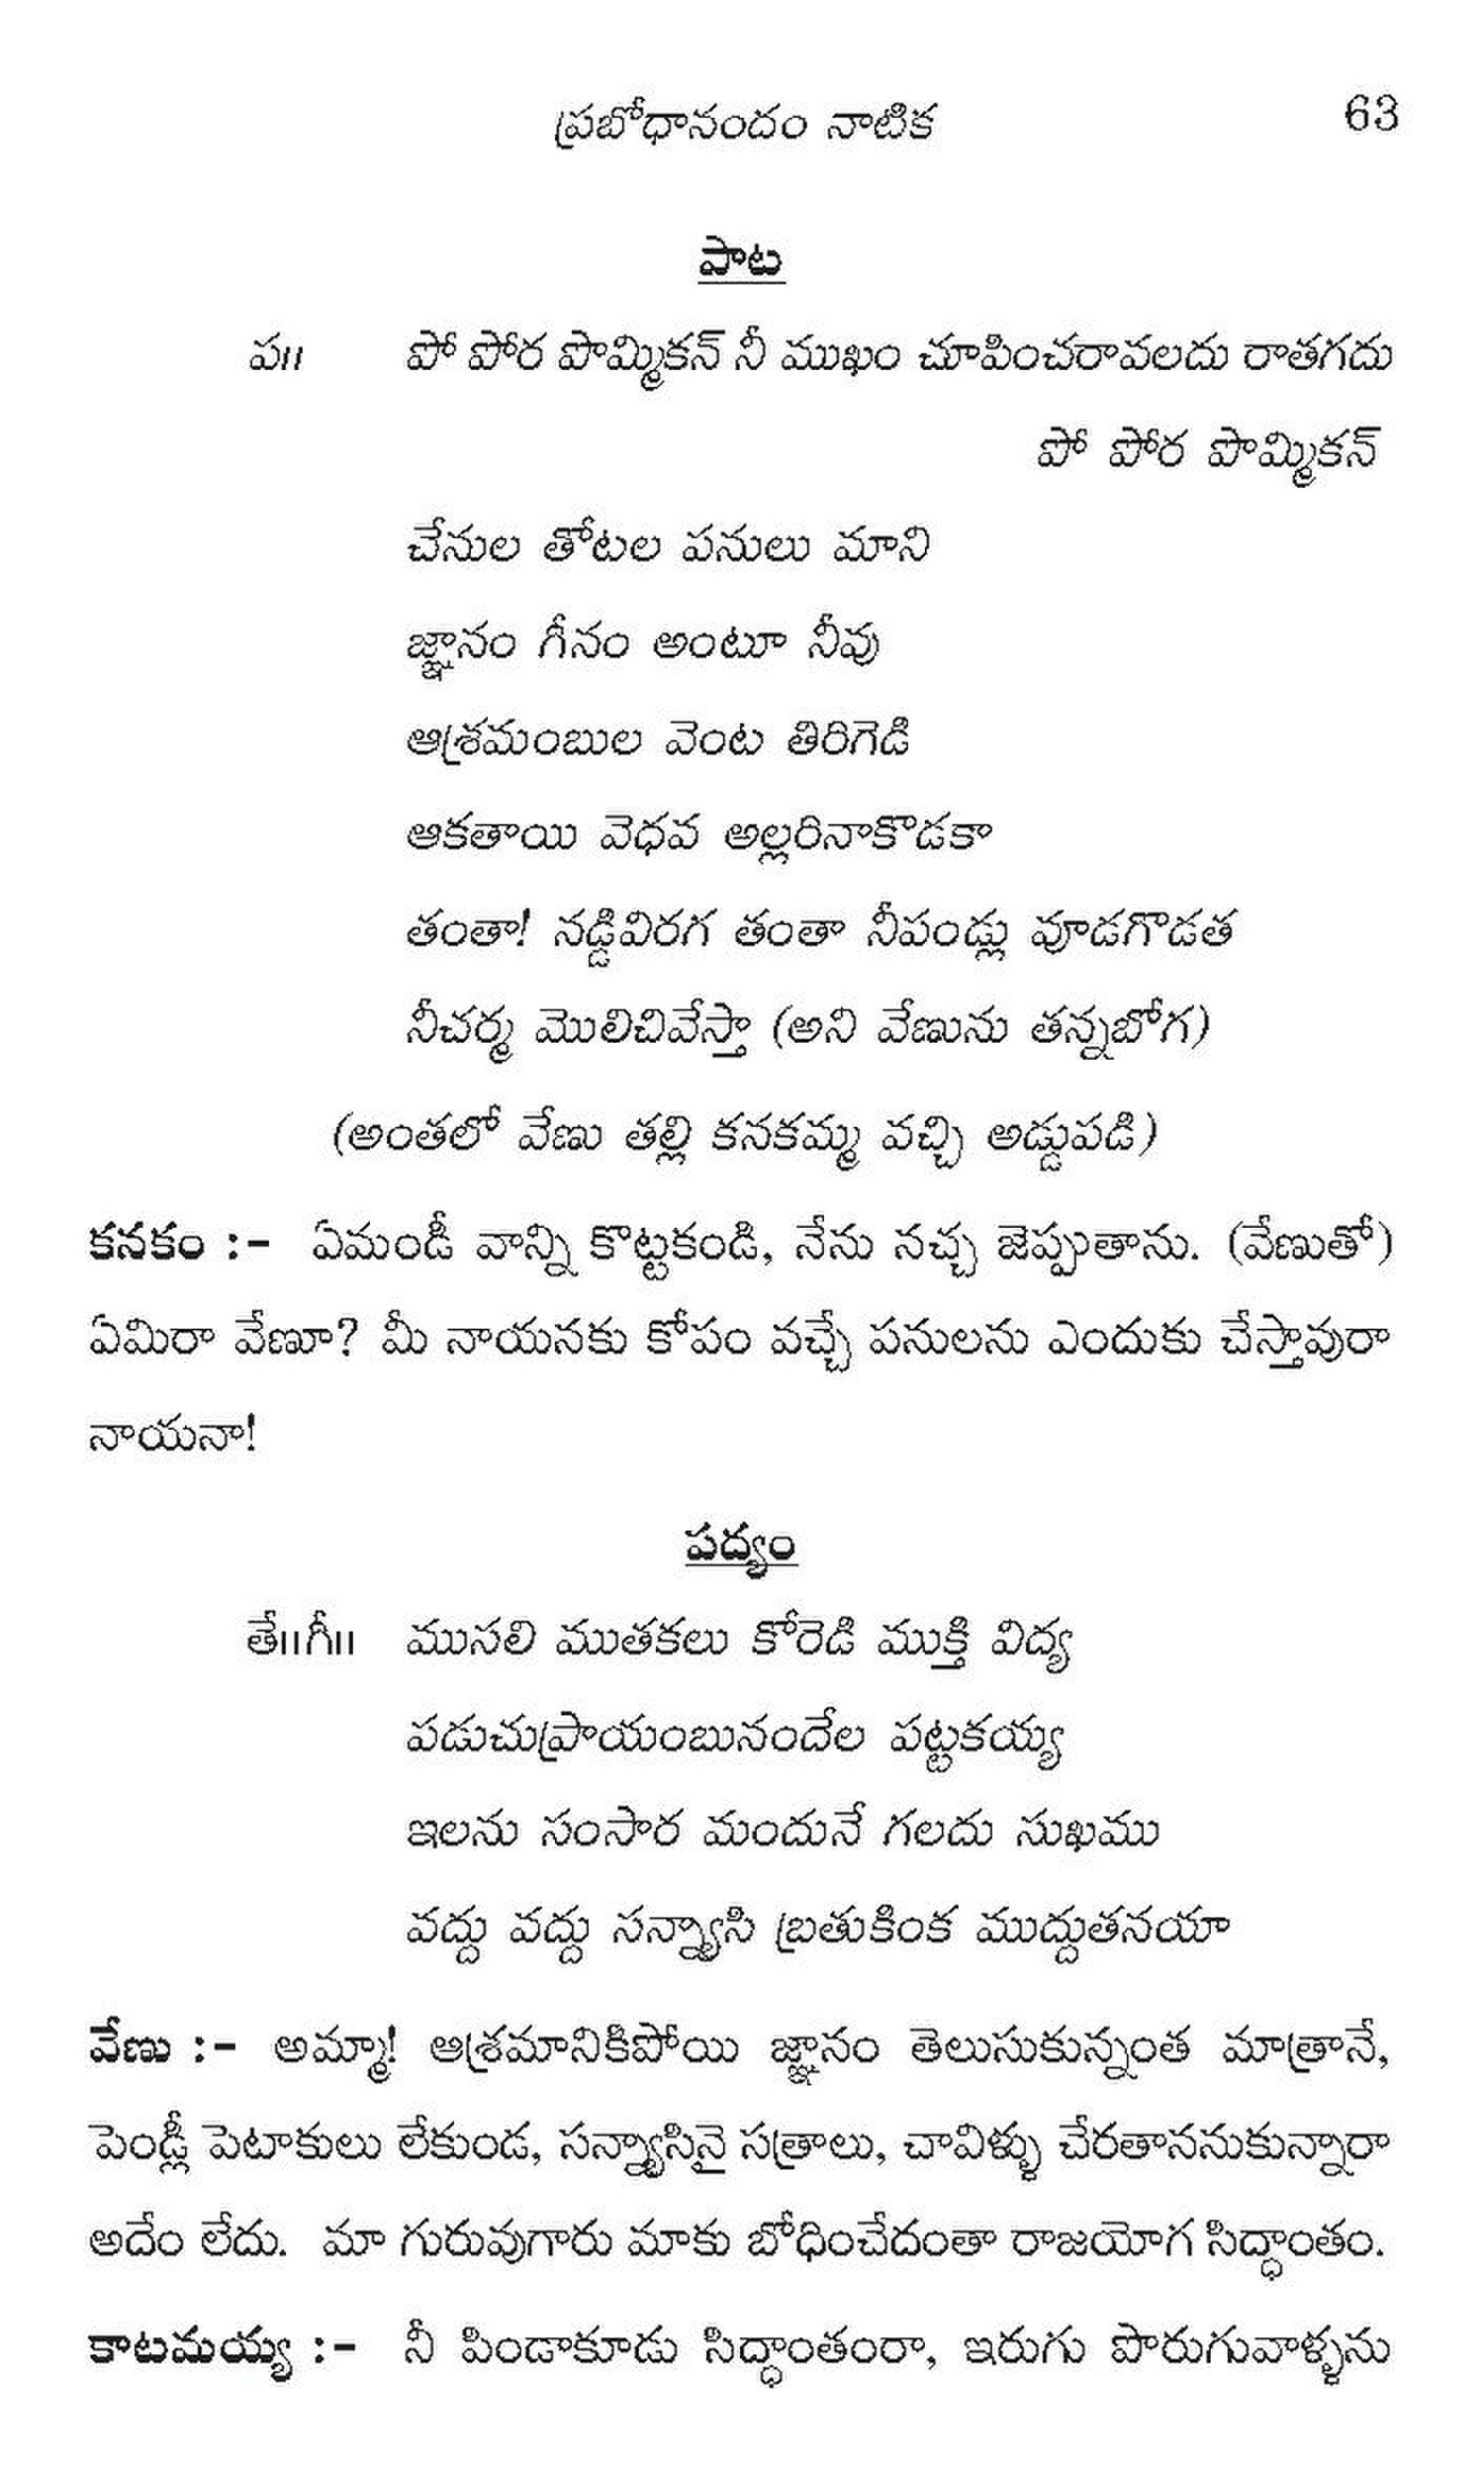--పాట--

కనకం :- ఏమండీ వాన్ని కొట్టకండి, నేను నచ్చ జెప్పుతాను. (వేణుతో) ఏమిరా వేణూ? మీ నాయనకు కోపం వచ్చే పనులను ఎందుకు చేస్తావురా నాయనా!

--పద్యం--

వేణు :- అమ్మా! ఆశ్రమానికిపోయి జ్ఞానం తెలుసుకున్నంత మాత్రానే, పెండ్లీ పెటాకులు లేకుండ, సన్న్యాసినై సత్రాలు, చావిళ్ళు చేరతాననుకున్నారా అదేం లేదు. మా గురువుగారు మాకు బోధించేదంతా రాజయోగ సిద్ధాంతం.

కాటమయ్య :-	నీ పిండాకూడు సిద్ధాంతంరా, ఇరుగు పొరుగువాళ్ళను